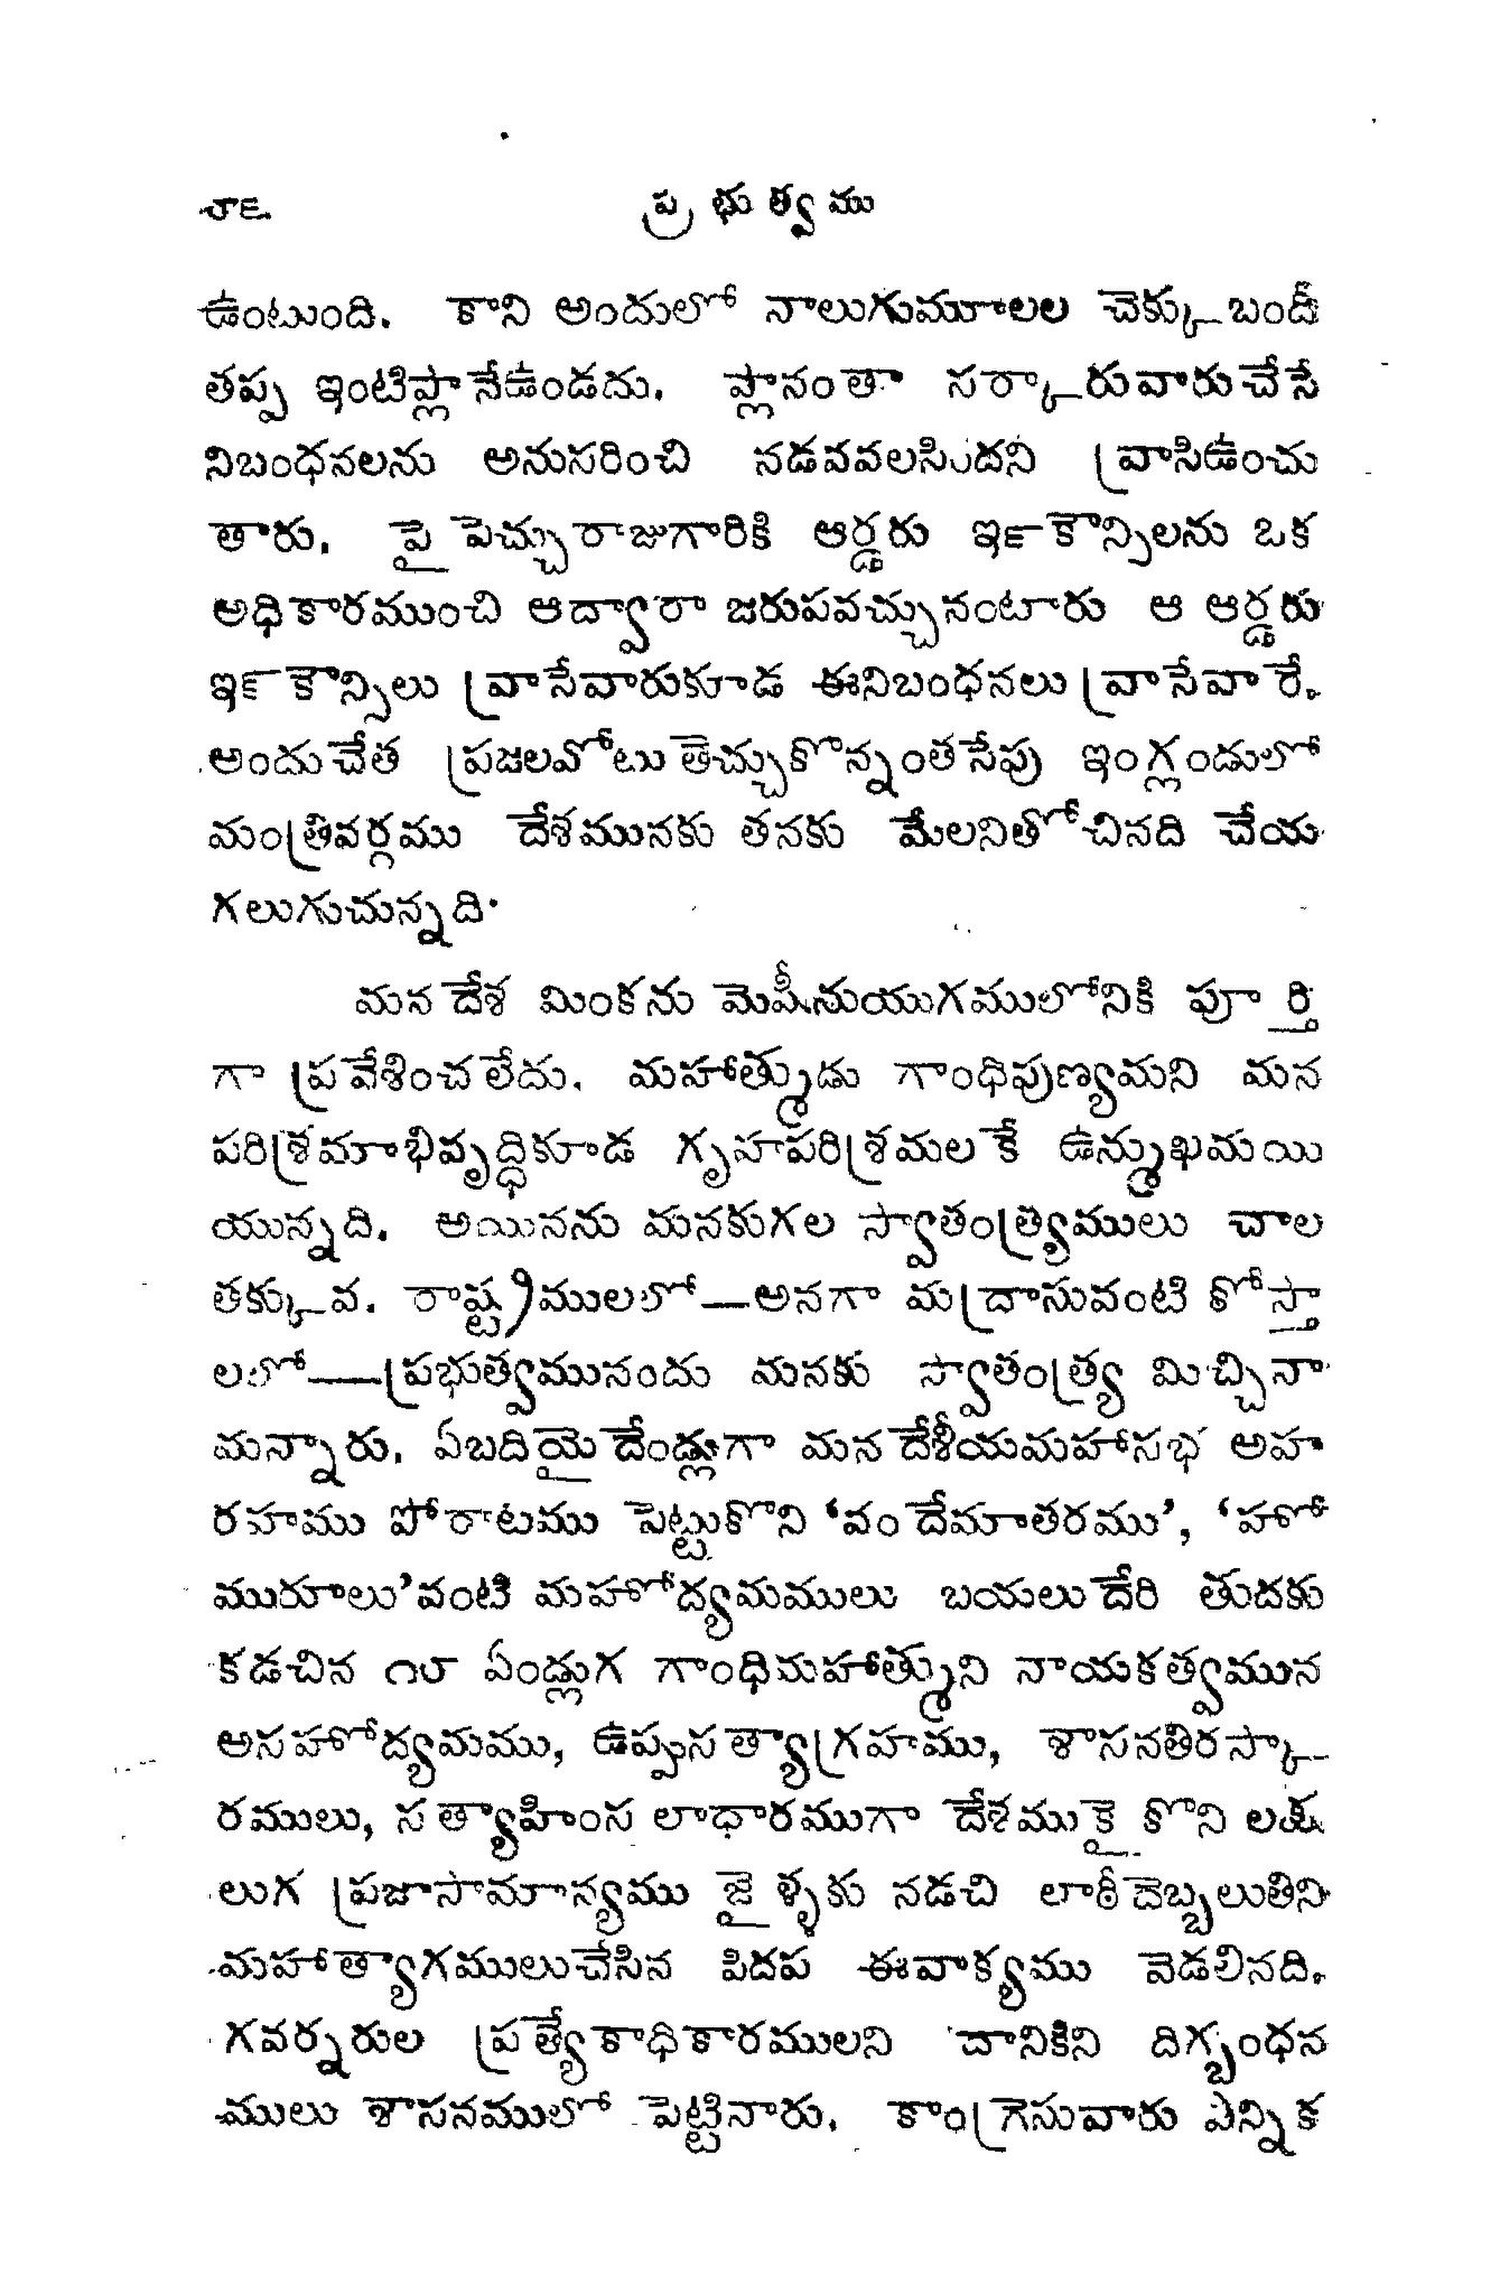ఉంటుంది. కాని అందులో నాలుగుమూలల చెక్కుబందీ తప్ప ఇంటిప్లానేఉండదు. ప్లానంతా సర్కారువారుచేసే నిబంధనలను అనుసరించి నడవవలసిందని వ్రాసిఉంచుతారు. పై పెచ్చు రాజుగారికి ఆర్డరు ఇన్ కౌన్సిలను ఒక అధికారముంచి ఆద్వారా జరుపవచ్చునంటారు ఆ ఆర్డరు
ఇన్ కౌన్సిలు వ్రాసేవారుకూడ ఈనిబంధనలు వ్రాసేవారే. అందుచేత ప్రజలవోటు తెచ్చుకొన్నంతసేపు ఇంగ్లండులో మంత్రివర్గము దేశమునకు తనకు మేలనితోచినది చేయ గలుగుచున్నది.

మనదేశ మింకను మెషీనుయుగములోనికి పూర్తిగా ప్రవేశించలేదు. మహాత్ముడు గాంధిపుణ్యమని మన పరిశ్రమాభివృద్ధికూడ గృహపరిశ్రమలకే ఉన్ముఖమయి యున్నది. అయినను మనకుగల స్వాతంత్ర్యములు చాల తక్కువ. రాష్ట్రములలో అనగా మద్రాసువంటి కోస్తాలలో ప్రభుత్వమునందు మనకు స్వాతంత్ర్య మిచ్చినా మన్నారు. ఏబదియైదేండ్లుగా మనదేశీయమహాసభ అహ రహము పోరాటము పెట్టుకొని 'వందేమాతరము', 'హోమురూలు' వంటి మహోద్యమములు బయలుదేరి తుదకు కడచిన 18 ఏండ్లుగ గాంధిమహాత్ముని నాయకత్వమున అసహోద్యమము, ఉప్పుసత్యా గ్రహము, శాసనతిరస్కారములు, సత్యాహింస లాధారముగా దేశముకై కొని లక్షలుగ ప్రజసామాన్యము జైళ్ళకు నడచి లాఠీదెబ్బలుతిని మహాత్యాగములుచేసిన పిదప ఈవాక్యము వెడలినది. గవర్నరుల ప్రత్యేకాధికారములని దానికిని దిగ్బంధనములు శాసనములో పెట్టినారు. కాంగ్రెసువారు ఎన్నిక